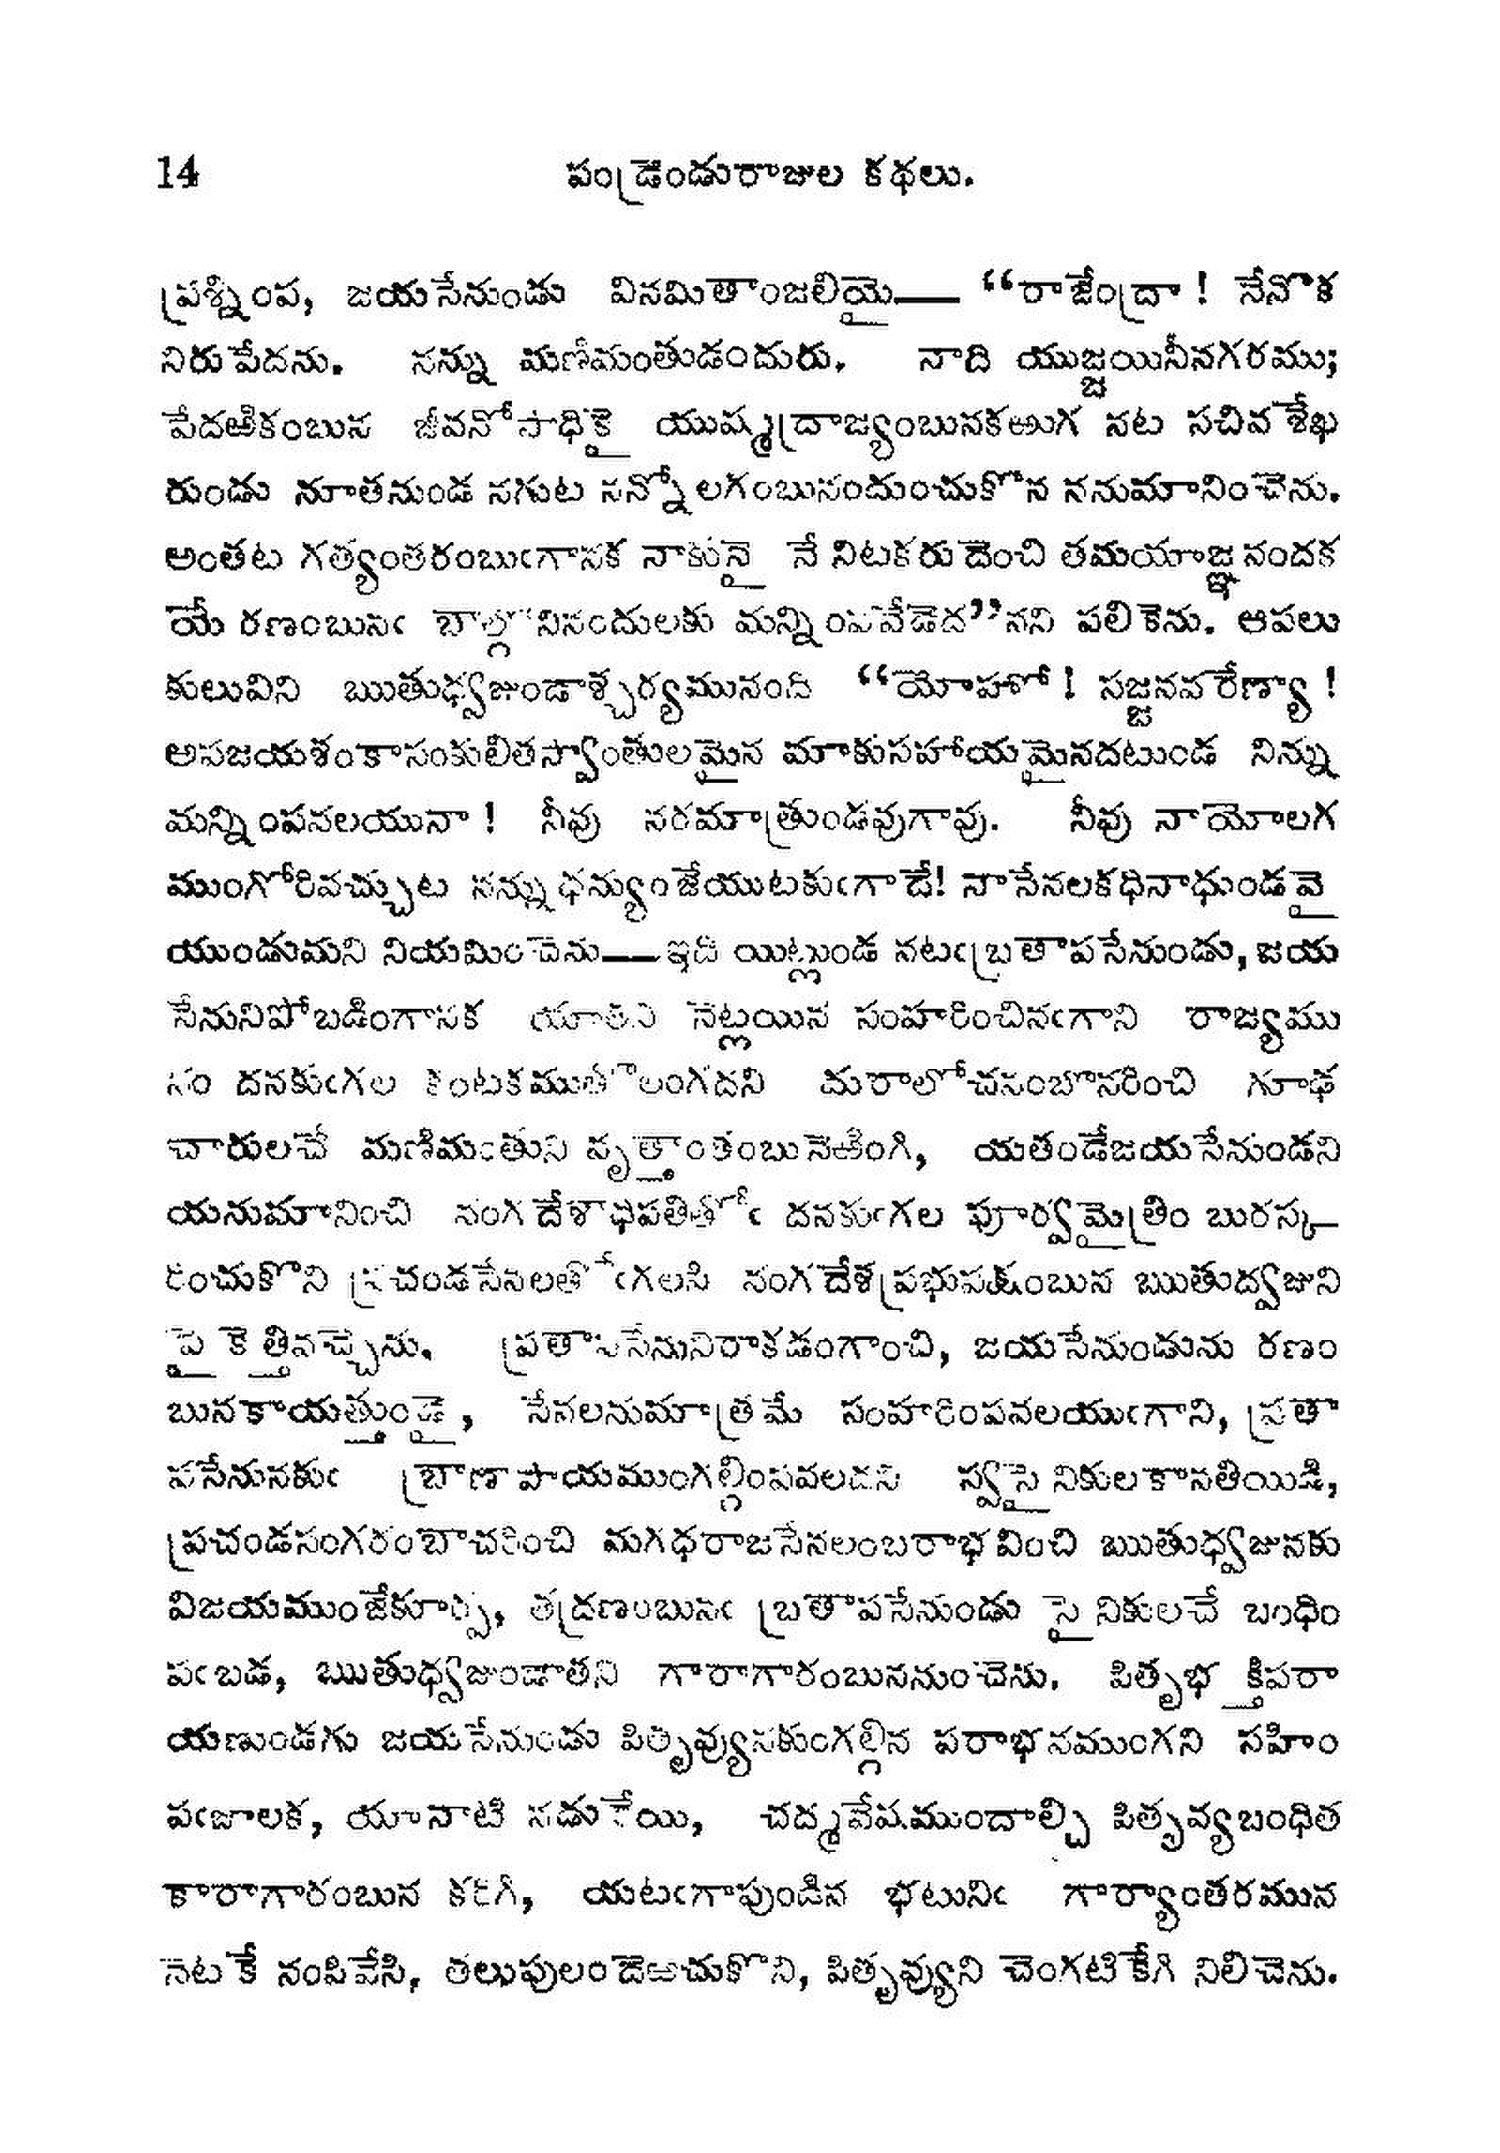ప్రశ్నింప, జయసేనుండు విసమితాంజలియై— “రాజేంద్రా ! నేనొక నిరుపేదను.నన్ను మణీమంతుడందురు, నాది యుజ్జయినీ నగరము;
పేదఱికంబుస జీవనోపాధికై యుష్మ ద్రాజ్యంబునకఱుగ నట సచివ శేఖరుండు నూతనుండ నగుట నన్నోలగంబునందుంచుకొన ననుమానించెను. అంతట గత్యంతరంబుఁగానక నాకునై నేనిటకరు దెంచి తమయాజ్ఞనందకయే రణంబునఁ బాల్గోనినందులకు మన్నింప వేడెద" నని పలికెను. ఆపలుకులువిని ఋతుధ్వజుండాశ్చర్యమునంది "యోహో! సజ్జనవరేణ్యా !అపజయశంకాసంకులిత స్వాంతులమైన మాకుసహాయమైనదటుండ నిన్ను మన్నింపవలయునా ! నీవు నరమాత్రుండవుగావు. నీవు నాయోలగ ముంగోరివచ్చుట నన్ను ధన్యుం జేయుటకుఁగాదే! నాసేనలకధినాధుండవై యుండుమని నియమించెను—— ఇది యిట్లుండ నటఁ బ్రతాప సేనుండు, జయసేనుని పోబడింగానక యాతని నెట్లయిన సంహరించినఁగాని రాజ్యమునం దనకుఁగల కంటకముతోలంగదని దురాలోచనంబొనరించి గూఢ
చారులచే మణీమంతుని వ్రుత్తాంతంబు నెఱింగి, యతండేజయసేనుండని యనుమానించి వంగ దేశాధిపతితోఁ దనకుఁగల పూర్వమైత్రిం బురస్కరించుకొని ప్రచండ సేనలతోఁ గలసి వంగ దేశ ప్రభుపక్షంబున ఋతుద్వజుని పైకెత్తివచ్చెను,.ప్రతాపసేనునిరాకడంగాంచి, జయ సేనుండును రణంబునకాయత్తుండై, సేనలను మాత్రమే సంహరింపవలయుఁగాని, ప్రతాపసేనునకుఁ బ్రాణాపాయముంగల్గింపవలదని స్వసైనికుల కొనతియిడి, ప్రచండ సంగరంబాచరించి మగధరాజ సేనలంబరాభవించి ఋతుధ్వజునకు విజయముం జేకూర్పి, తద్రణంబునఁ బ్రతాప సేనుండు సైనికులచే బంధింపఁబడ, ఋతుధ్వజుండాతని గారాగారంబుననుంచెసు, పితృభక్తిపరాయణుండగు జయసేనుండు పితృవ్యునకుంగల్గిన పరాభవముంగని సహింపఁజాలక, యానాటి నడురేయి, చద్మవేషముందాల్చి పితృవ్య బంధిత కారాగారంబున కరిగి, యటఁగాపుండిన భటునిఁ గార్యాంతరమున నెటకే నంపివేసి, తలుపులం దెఱచుకొని, పితృవ్యుని చెంగటికేగి నిలిచెను.